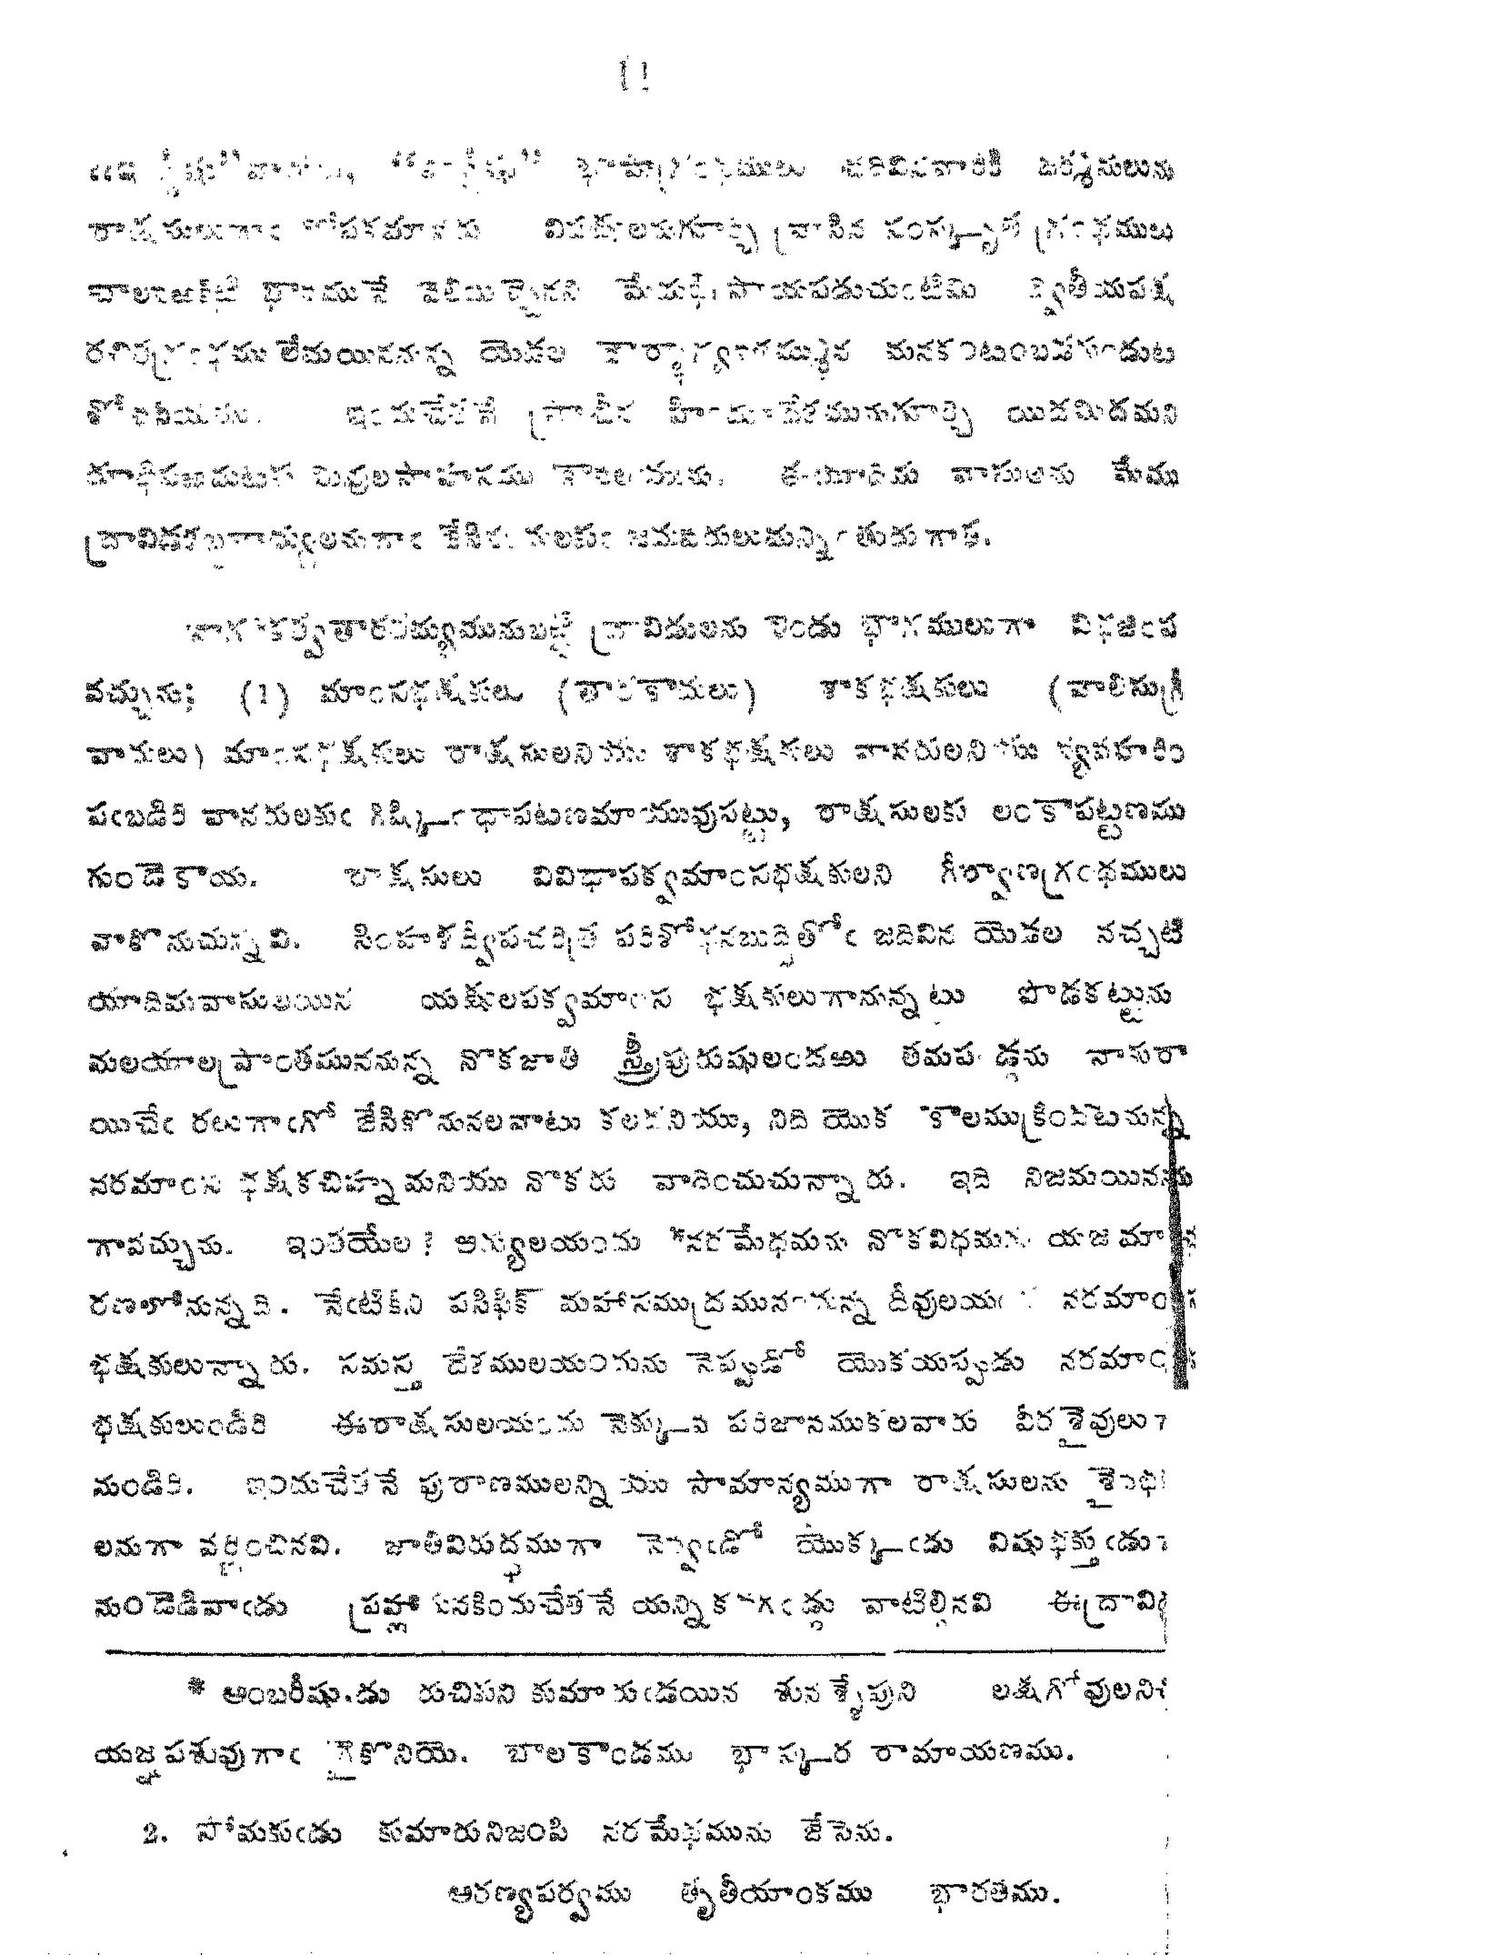"ఇంగ్లీషు" వారున్ను, "ఇంగ్లీషు" భాషాగ్రంథములు చదివినవారికి జర్మనులును రాక్షసులుగాను తోపకమానదు. విపక్షులనుగూర్చి వ్రాసిన సంస్కృత గ్రంథములు చాలవఱకట్టి భావములనే వెలిబుచ్చెనని మేమభిప్రాయపడుచుంటిమి. ద్వితీయపక్ష రచితగ్రంథము లేమయినవన్న యెడల దౌర్భాగ్యవశమ్మున మనకంటంబడగుండుట శోచనీయము. ఇందుచేతనే ప్రాచీన హిందూదేశమునుగూర్చి యిదమిద్ధమని రూఢిపఱచుటకు మివుల సాహసము కావలయును. యాదిమ వాసులను మేము ద్రావిడశబ్దవాచ్యులునుగా జేసినందులకుఁ జదువరులు మన్నింతురుగాక.

......తారతమ్యమునుబట్టి ద్రావిడులను రెండు భాగములుగా విభజింపవచ్చును; (1) మాంసభక్షకులు (తారకాదులు) శాకభక్షకులు (వాలిసుగ్రీవాదులు) మాంసభక్షకులు రాక్షసులనియు శాకభక్షకులు వానరులనియు వ్యవహరింపఁబడిరి వానరులకుఁ గిష్కింధాపట్టణమాయువుపట్టు, రాక్షసులకు లంకాపట్టణము గుండెకాయ. రాక్షకులు వివిధాపక్వమాంసభక్షకులని గీర్వాణగ్రంథములు వ్రాకొనుచున్నవి. సింహళద్వీపచరిత్ర పరిశోధనబుద్ధితోఁ జదివిన యెడల నచ్చటి యాదిమవాసులయిన యక్షులపక్వమాంస భక్షకులుగానున్నట్టు పొడకట్టును. మలయాల ప్రాంతముననున్న నొకజాతి స్త్రీపురుషులందఱు తమపండ్లను నాకురాయిచేఁ రలుగాఁగో జేసికొనునలవాటు కలదనియు, నిది యొక కాలముక్రిందటనున్న నరమాంసభక్షక చిహ్నమనియు నొకరు వాదించుచున్నారు. ఇది నిజమయినను గావచ్చును. ఇంతయేల? ఆర్యులయందు నరమేధమను నొకవిధమగు యజ్ఙమాచరణలోనున్నది. నేఁటికిని పసిఫిక్ మహాసముద్రమునందున్న దీవులయందు నరమాంస భక్షకులున్నారు. సమస్త దేశములయందును నెప్పుడో యొకయప్పుడు నరమాంసభక్షకులుండిరి. ఈరాక్షసులయందు నెక్కువ పరిజ్ఞానము కలవారు వీరశైవులుగా నుండిరి. ఇందుచేతనే పురాణములన్నియు సామాన్యముగా రాక్షసులను శైవభక్తులనుగా వర్ణించినవి. జాతివిరుద్ధముగా నెవ్వఁడో యొక్కఁడు విష్ణుభక్తుడుగా నుండెడివాఁడు ప్రహ్లాదునకిందుచేతనే యన్ని కడగండ్లు వాటిల్లినవి ఈ ద్రావిడు